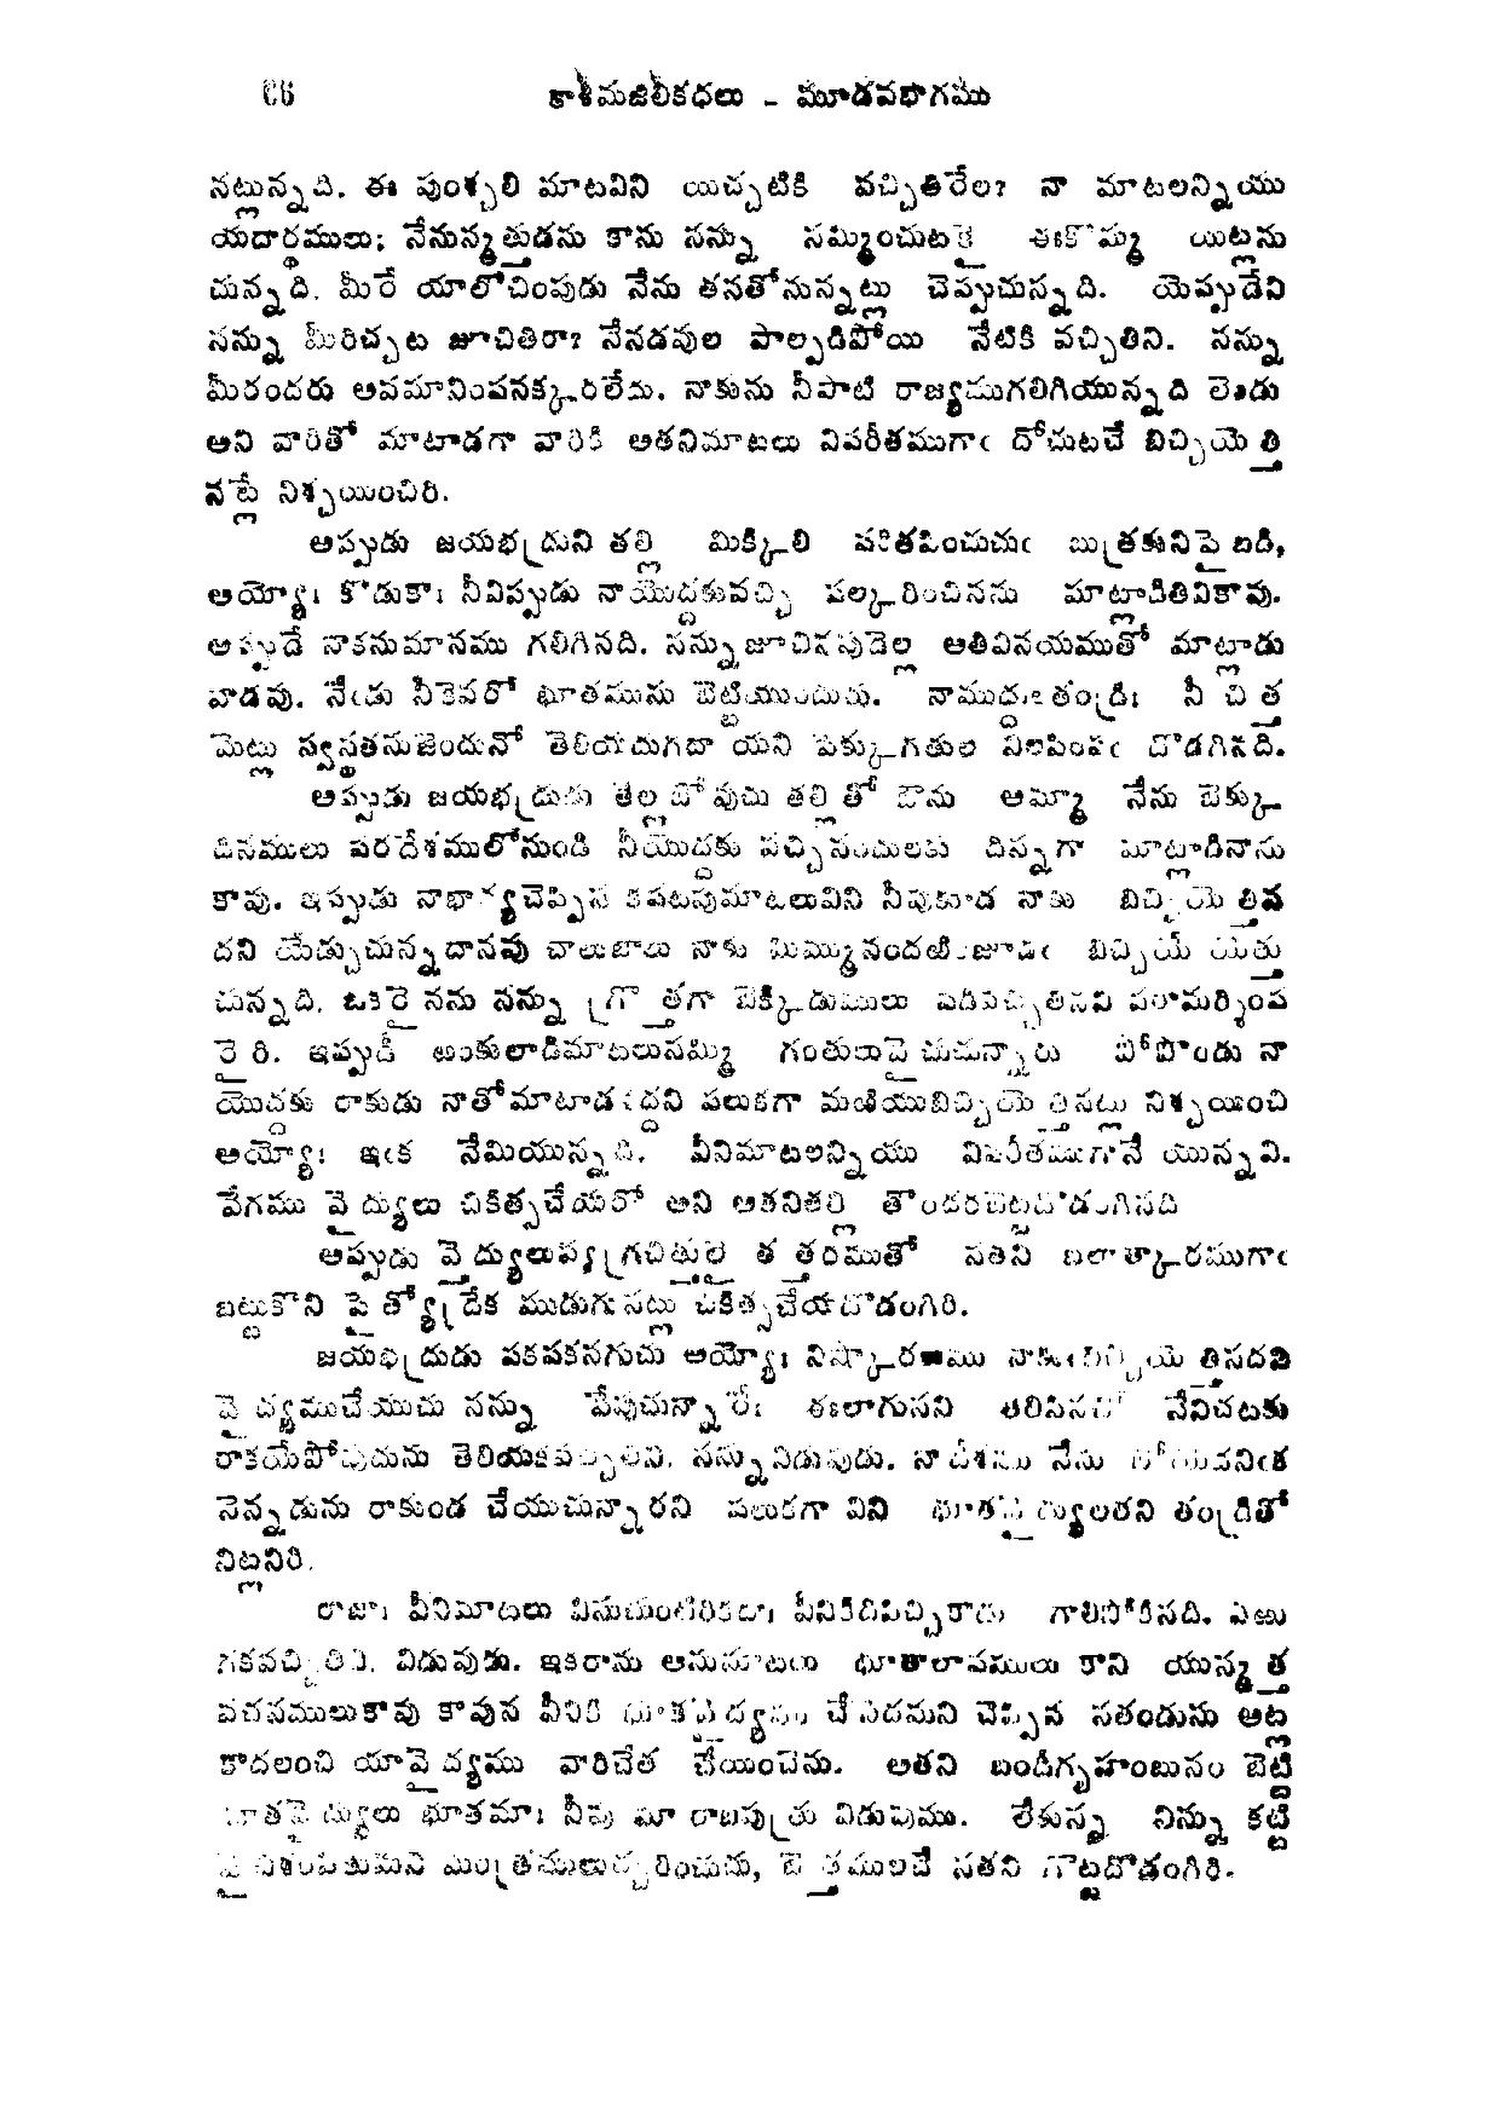నట్లున్నది. ఈ పుంశ్చలి మాటవిని యిచ్చటికి వచ్చితిరేల? నా మాటలన్నియు యథార్థములు: నే నున్మత్తుడను కాను నన్ను నమ్మించుటకై ఈకొమ్మ యిట్లను చున్నది. మీరే యాలోచింపుడు నేను తనతోనున్నట్లు చెప్పుచున్నది. యెప్పుడేని నన్ను మీరిచ్చట జూచితిరా? నే నడవుల పాల్పడిపోయి నేటికి వచ్చితిని. నన్ను మీరందరు అవమానింపనక్కరలేదు. నాకును నీపాటి రాజ్యముగలిగియున్నది లెండు
అని వారితో మాటాడగా వారికి అతనిమాటలు విపరీతముగాఁ దోచుటచే బిచ్చియెత్తినట్లే నిశ్చయించిరి.

అప్పుడు జయభద్రుని తల్లి మిక్కిలి పరితపించుచుఁ బుత్రకునిపై బడి, అయ్యో! కొడుకా! నీ విప్పుడు నాయొద్దకువచ్చి పల్కరించినను మాట్లాడితివికావు. అప్పుడే నాకనుమానము గలిగినది. నన్ను జూచినపుడెల్ల అతివినయముతో మాట్లాడు వాడవు. నేఁడు నీ కెవరో భూతమును బెట్టియుందురు. నాముద్దలతండ్రీ! నీ చిత్త మెట్లు స్వస్థతనుజెందునో తెలియదుగదా యని పెక్కుగతుల విలపింపఁ దొడగినది.

అప్పుడు జయభద్రుడు తెల్ల బోవుచు తల్లితో ఔను అమ్మా నేను బెక్కు దినములు పరదేశములోనుండి నీయొద్దకు వచ్చినందులకు దిన్నగా మాట్లాడినాను కాను. ఇప్పుడు నాభార్యచెప్పిన కపటపుమాటలు విని నీవుకూడ నాకు బిచ్చియెత్తినదని యేడ్చుచున్న దానవు చాలుజాలు నాకు మిమ్మునందఱిం జూడఁ బిచ్చియే యెత్తు చున్నది. ఒకరై నను నన్ను గ్రొత్తగా బెక్కిడుములు పడివచ్చితినని పరామర్శింపరైరి. ఇప్పుడీ ఱంకులాడిమాటలు నమ్మి గంతులు వైచుచున్నారు పో పొండు నా యొద్దకు రాకుడు నాతో మాటాడవద్దని పలుకగా మఱియు బిచ్చియెత్తినట్లు నిశ్చయించి అయ్యో! ఇఁక నేమియున్నది. వీనిమాటలన్నియు విపరీతముగానే యున్నవి. వేగము వైద్యులు చికిత్సచేయరో అని ఆతనితల్లి తొందర బెట్టదొడంగినది

అప్పుడు వైద్యు లుప్యగ్రచిత్తులై తత్తరముతో నతని బలాత్కారముగాఁ బట్టుకొని పైత్యోద్రేక ముడుగునట్లు చికిత్సచేయదొడంగిరి.

జయభద్రుడు పకపకనగుచు అయ్యో! నిష్కారణము నాకు బిచ్చియెత్తినదని వైద్యముచేయుచు నన్ను వేపుచున్నారే. ఈలాగునని తెలిసినచో నేనిచటకు రాకయేపోవుదును తెలియకవచ్చితిని. నన్నునిడువుడు. నాదేశము నేను బోయెదనిఁక నెన్నడును రాకుండ చేయుచున్నారని పలుకగా విని భూతవైద్యు లతని తండ్రితో నిట్లనిరి.

రాజా! వీనిమాటలు వినుచుంటిరికదా! వీనికిదిపిచ్చికాదు గాలిసోకినది. ఎఱుగకవచ్చితిని. విడువుడు. ఇకరాను అనుమాటలు భూతాలాపములు కాని యున్మత్త వచనములుకావు కావున వీనికి భూతవైద్యము చేసెదమని చెప్పిన నతండును అట్ల కాదలంచి యావైద్యము వారిచేత చేయించెను. అతని బందీగృహంబునం బెట్టి భూతవైద్యులు భూతమా! నీవు మా రాజపుత్రు విడువుము. లేకున్న నిన్ను కట్టివైచి శపింతుమని మంత్రము లుచ్చరించుచు, బెత్తములచే నతని గొట్టదొడంగిరి.